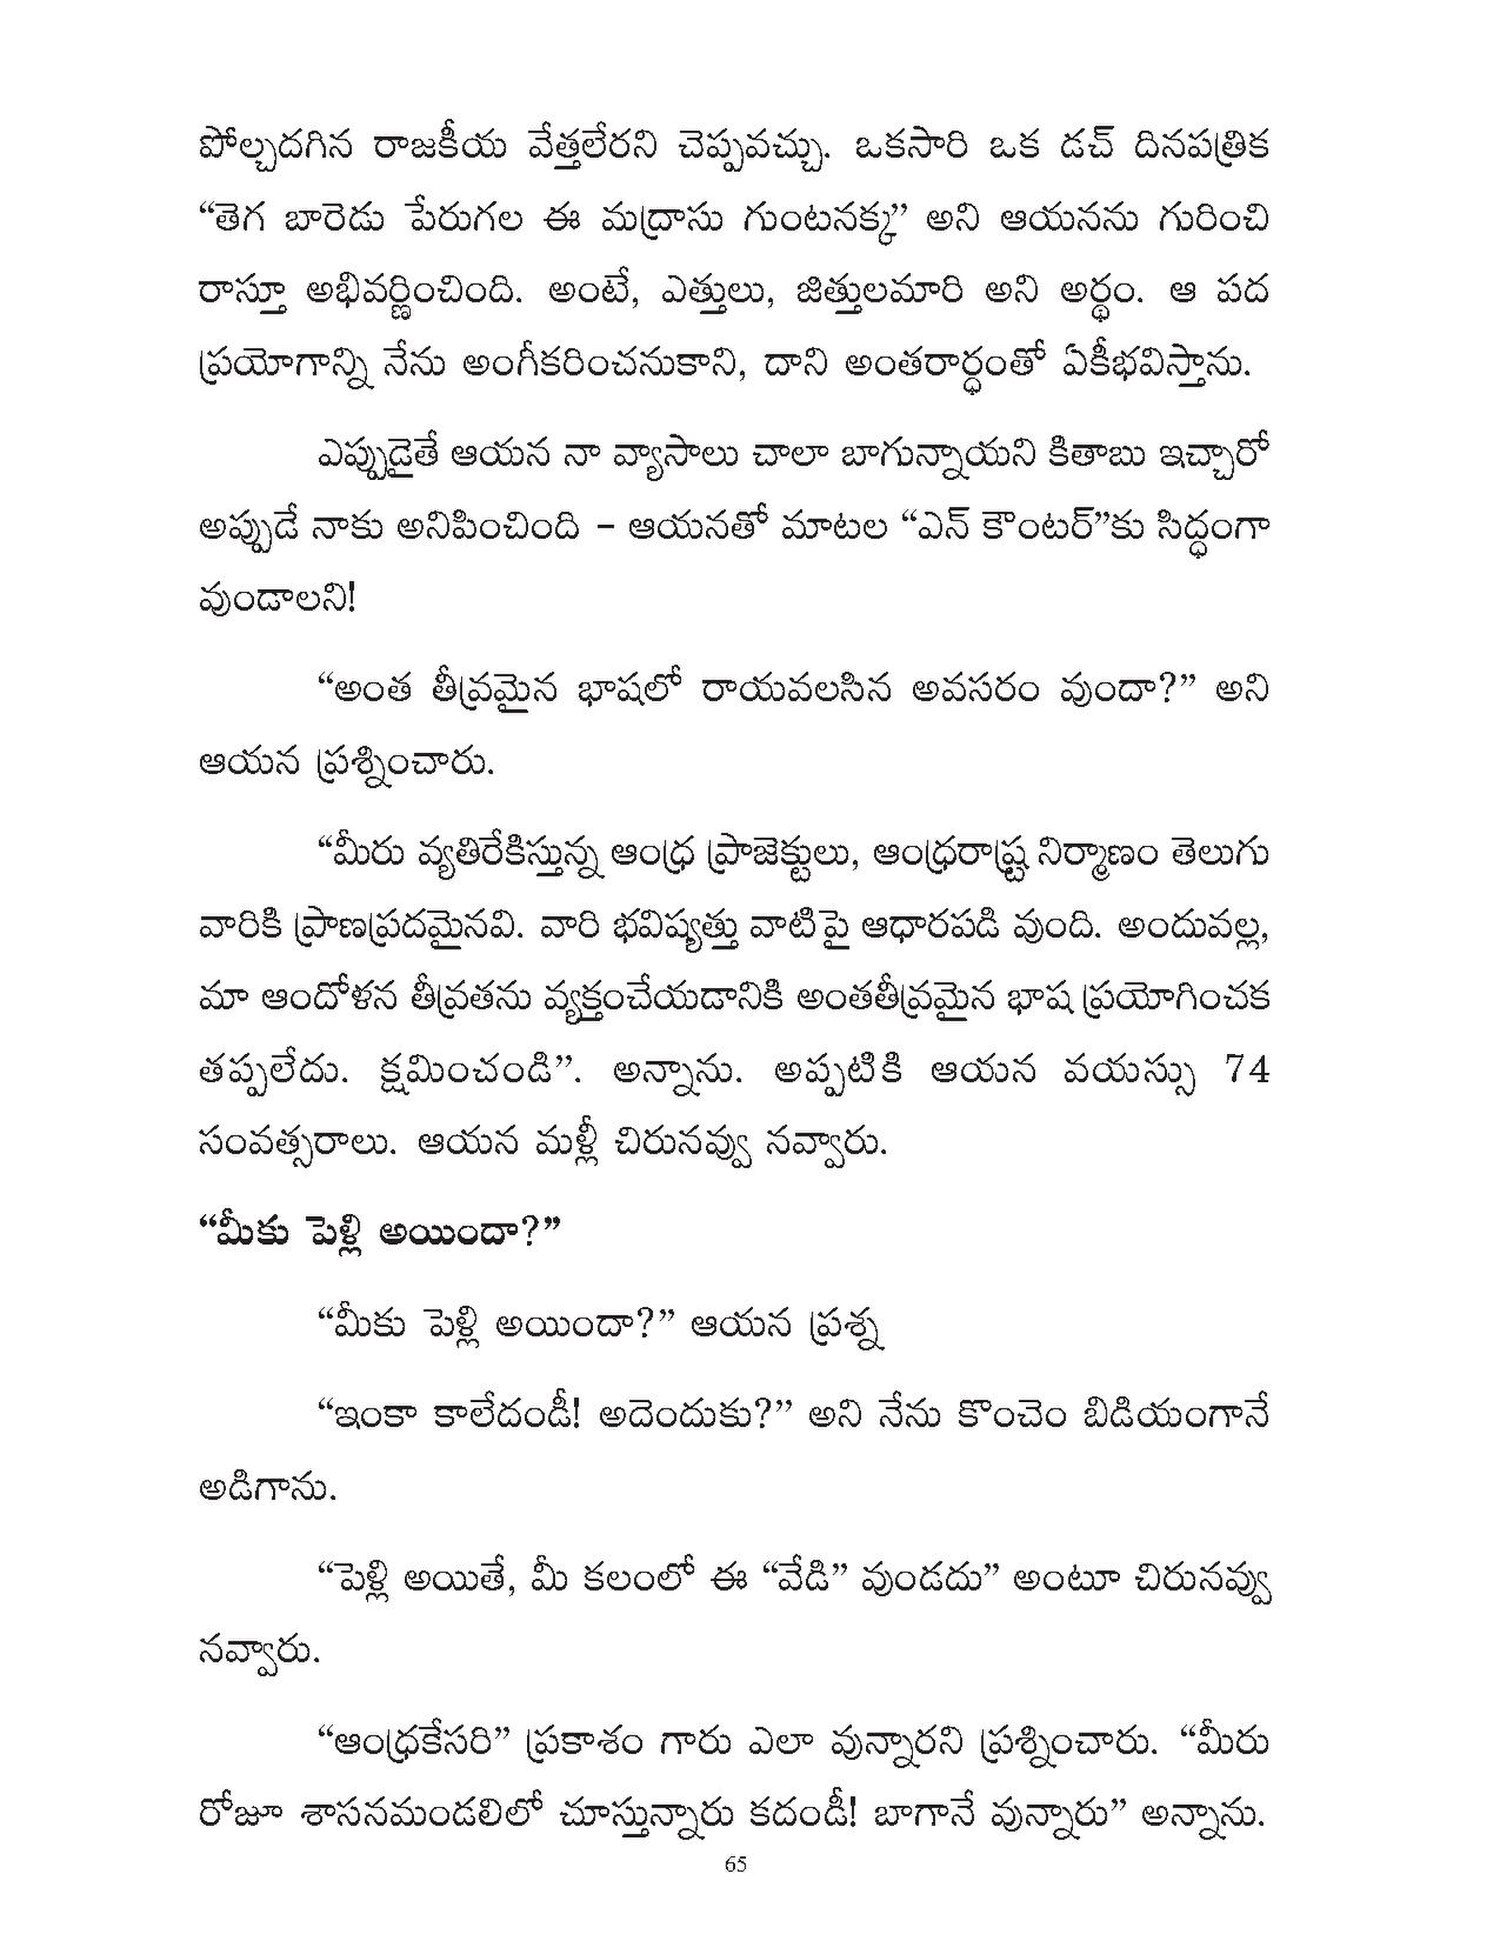పోల్చదగిన రాజకీయ వేత్తలేరని చెప్పవచ్చు. ఒకసారి ఒక డచ్‌ దినపత్రిక
"తెగ బారెడు పేరుగల ఈ మద్రాసు గుంటనక్క" అని ఆయనను గురించి
రాస్తూ అభివర్ణించింది. అంటే, ఎత్తులు, జిత్తులమారి అని అర్థం. ఆ పద
ప్రయోగాన్ని నేను అంగీకరించనుకాని, దాని అంతరార్ధంతో ఏకీభవిస్తాను.

ఎప్పుడైతే ఆయన నా వ్యాసాలు చాలా బాగున్నాయని కితాబు ఇచ్చారో
అప్పుడే నాకు అనిపించింది - ఆయనతో మాటల "ఎన్‌ కౌంటర్‌"కు సిద్ధంగా
వుండాలని!

"అంత తీవ్రమైన భాషలో రాయవలసిన అవసరం వుందా?" అని
ఆయన ప్రశ్నించారు.

"మీరు వ్యతిరేకిస్తున్న ఆంధ్ర ప్రాజెక్టులు, ఆంధ్రరాష్ట్ర నిర్మాణం తెలుగు
వారికి ప్రాణప్రదమైనవి. వారి భవిష్యత్తు వాటిపై ఆధారపడి వుంది. అందువల్ల,
మా ఆందోళన తీవ్రతను వ్యక్తంచేయడానికి అంతతీవ్రమైన భాష ప్రయోగించక
తప్పలేదు. క్షమించండి". అన్నాను. అప్పటికి ఆయన వయస్సు 74
సంవత్సరాలు. ఆయన మళ్లీ చిరునవ్వు నవ్వారు.
"మీకు పెళ్లి అయిందా?"

"మీకు పెళ్లి అయిందా?" ఆయన ప్రశ్న

"ఇంకా కాలేదండీ! అదెందుకు?" అని నేను కొంచెం బిడియంగానే
అడిగాను.

"పెళ్లి అయితే, మీ కలంలో ఈ "వేడి" వుండదు" అంటూ చిరునవ్వు
నవ్వారు.

"ఆంధ్రకేసరి" ప్రకాశం గారు ఎలా వున్నారని ప్రశ్నించారు. "మీరు
రోజూ శాసనమండలిలో చూస్తున్నారు కదండీ! బాగానే వున్నారు" అన్నాను.